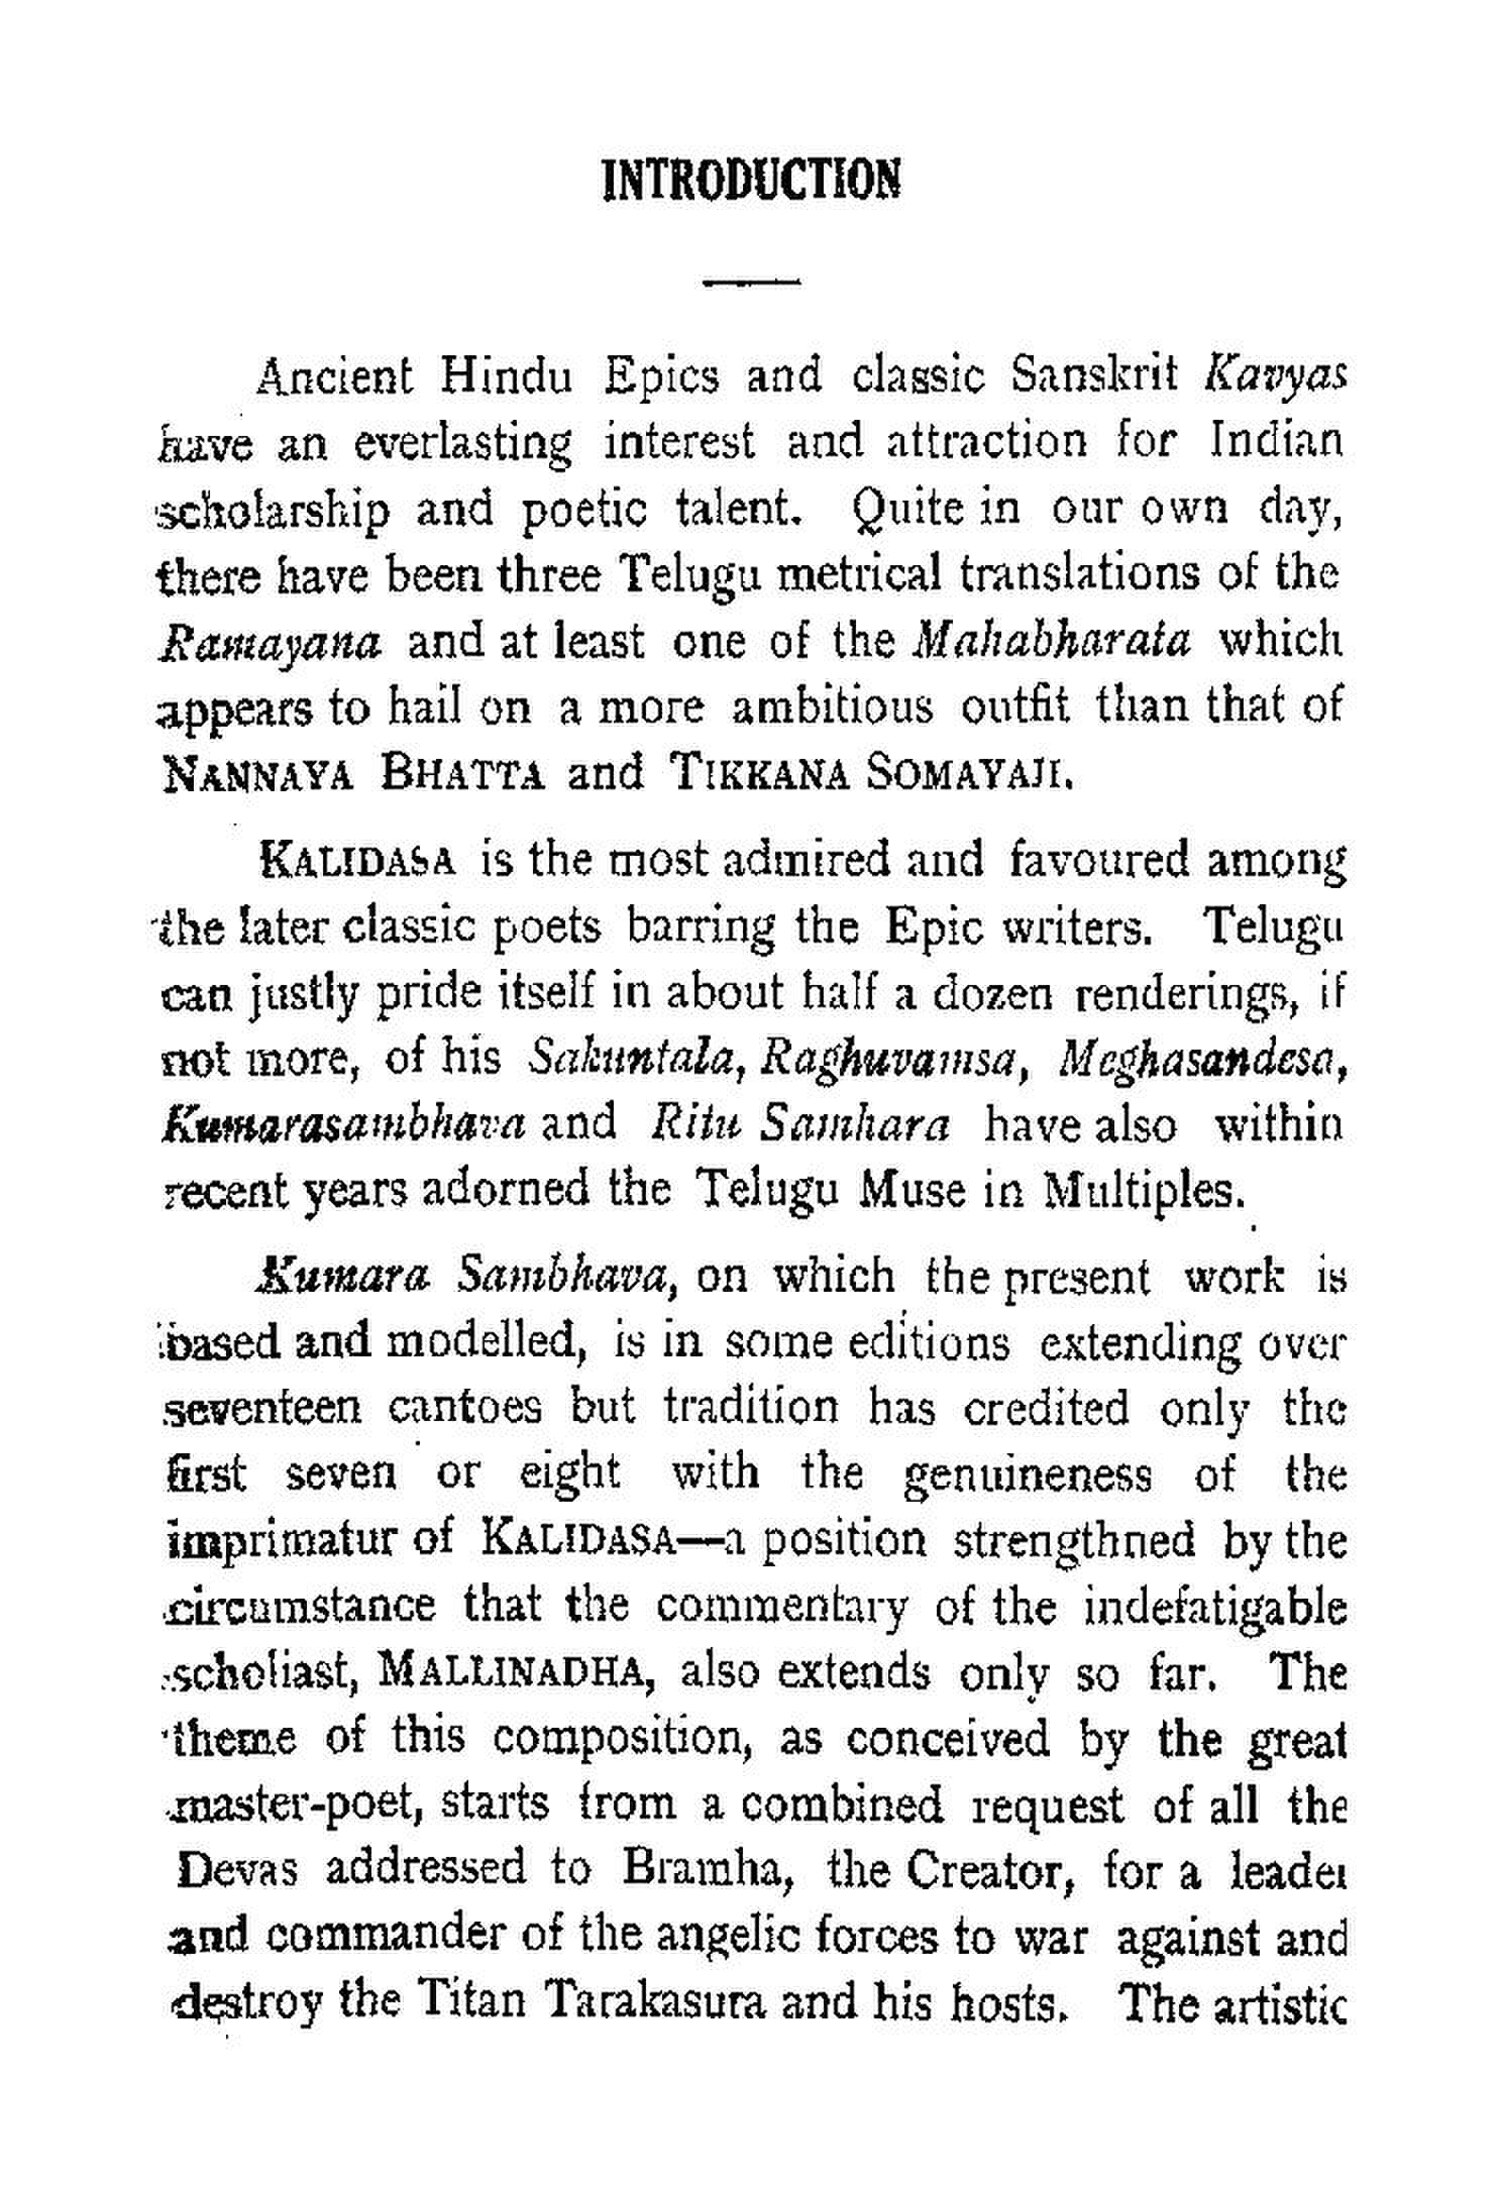INTRODUCTION

Ancient Hindu Epics and classic Sanskrit Kavyas have an everlasting interest and attraction for Indian scholarship and poetic talent. Quite in our own day, there have been three Telugu metrical translations of the Ramayana and at least one of the Mahabharata which appears to hail on a more ambitious outfit than that of NANNAYA BHATTA and TIKKANA SOMAYAJI.

KALIDASA is the most admired and favoured among the later classic poets barring the Epic writers. Telugu can justly pride itself in about half a dozen renderings, if not more, of his Sakuntala, Raghuvamsa, Meghasandesa, Kumarasambhava and Ritu Samhara have also within
recent years adorned the Telugu Muse in Multiples.

Kumara Sambhava, on which the present work is based and modelled, is in some editions extending over seventeen cantoes but tradition has credited only the first seven or eight with the genuineness of the imprimatur of KALIDASA--a position strengthned by the circumstance that the commentary of the indefatigable scholiast, MALLINADHA, also extends only so far. The theme of this composition, as conceived by the great master-poet, starts from a combined request of all the Devas addressed to Bramha, the Creator, for a leader and commander of the angelic forces to war against and destroy the Titan Tarakasura and his hosts. The artistic